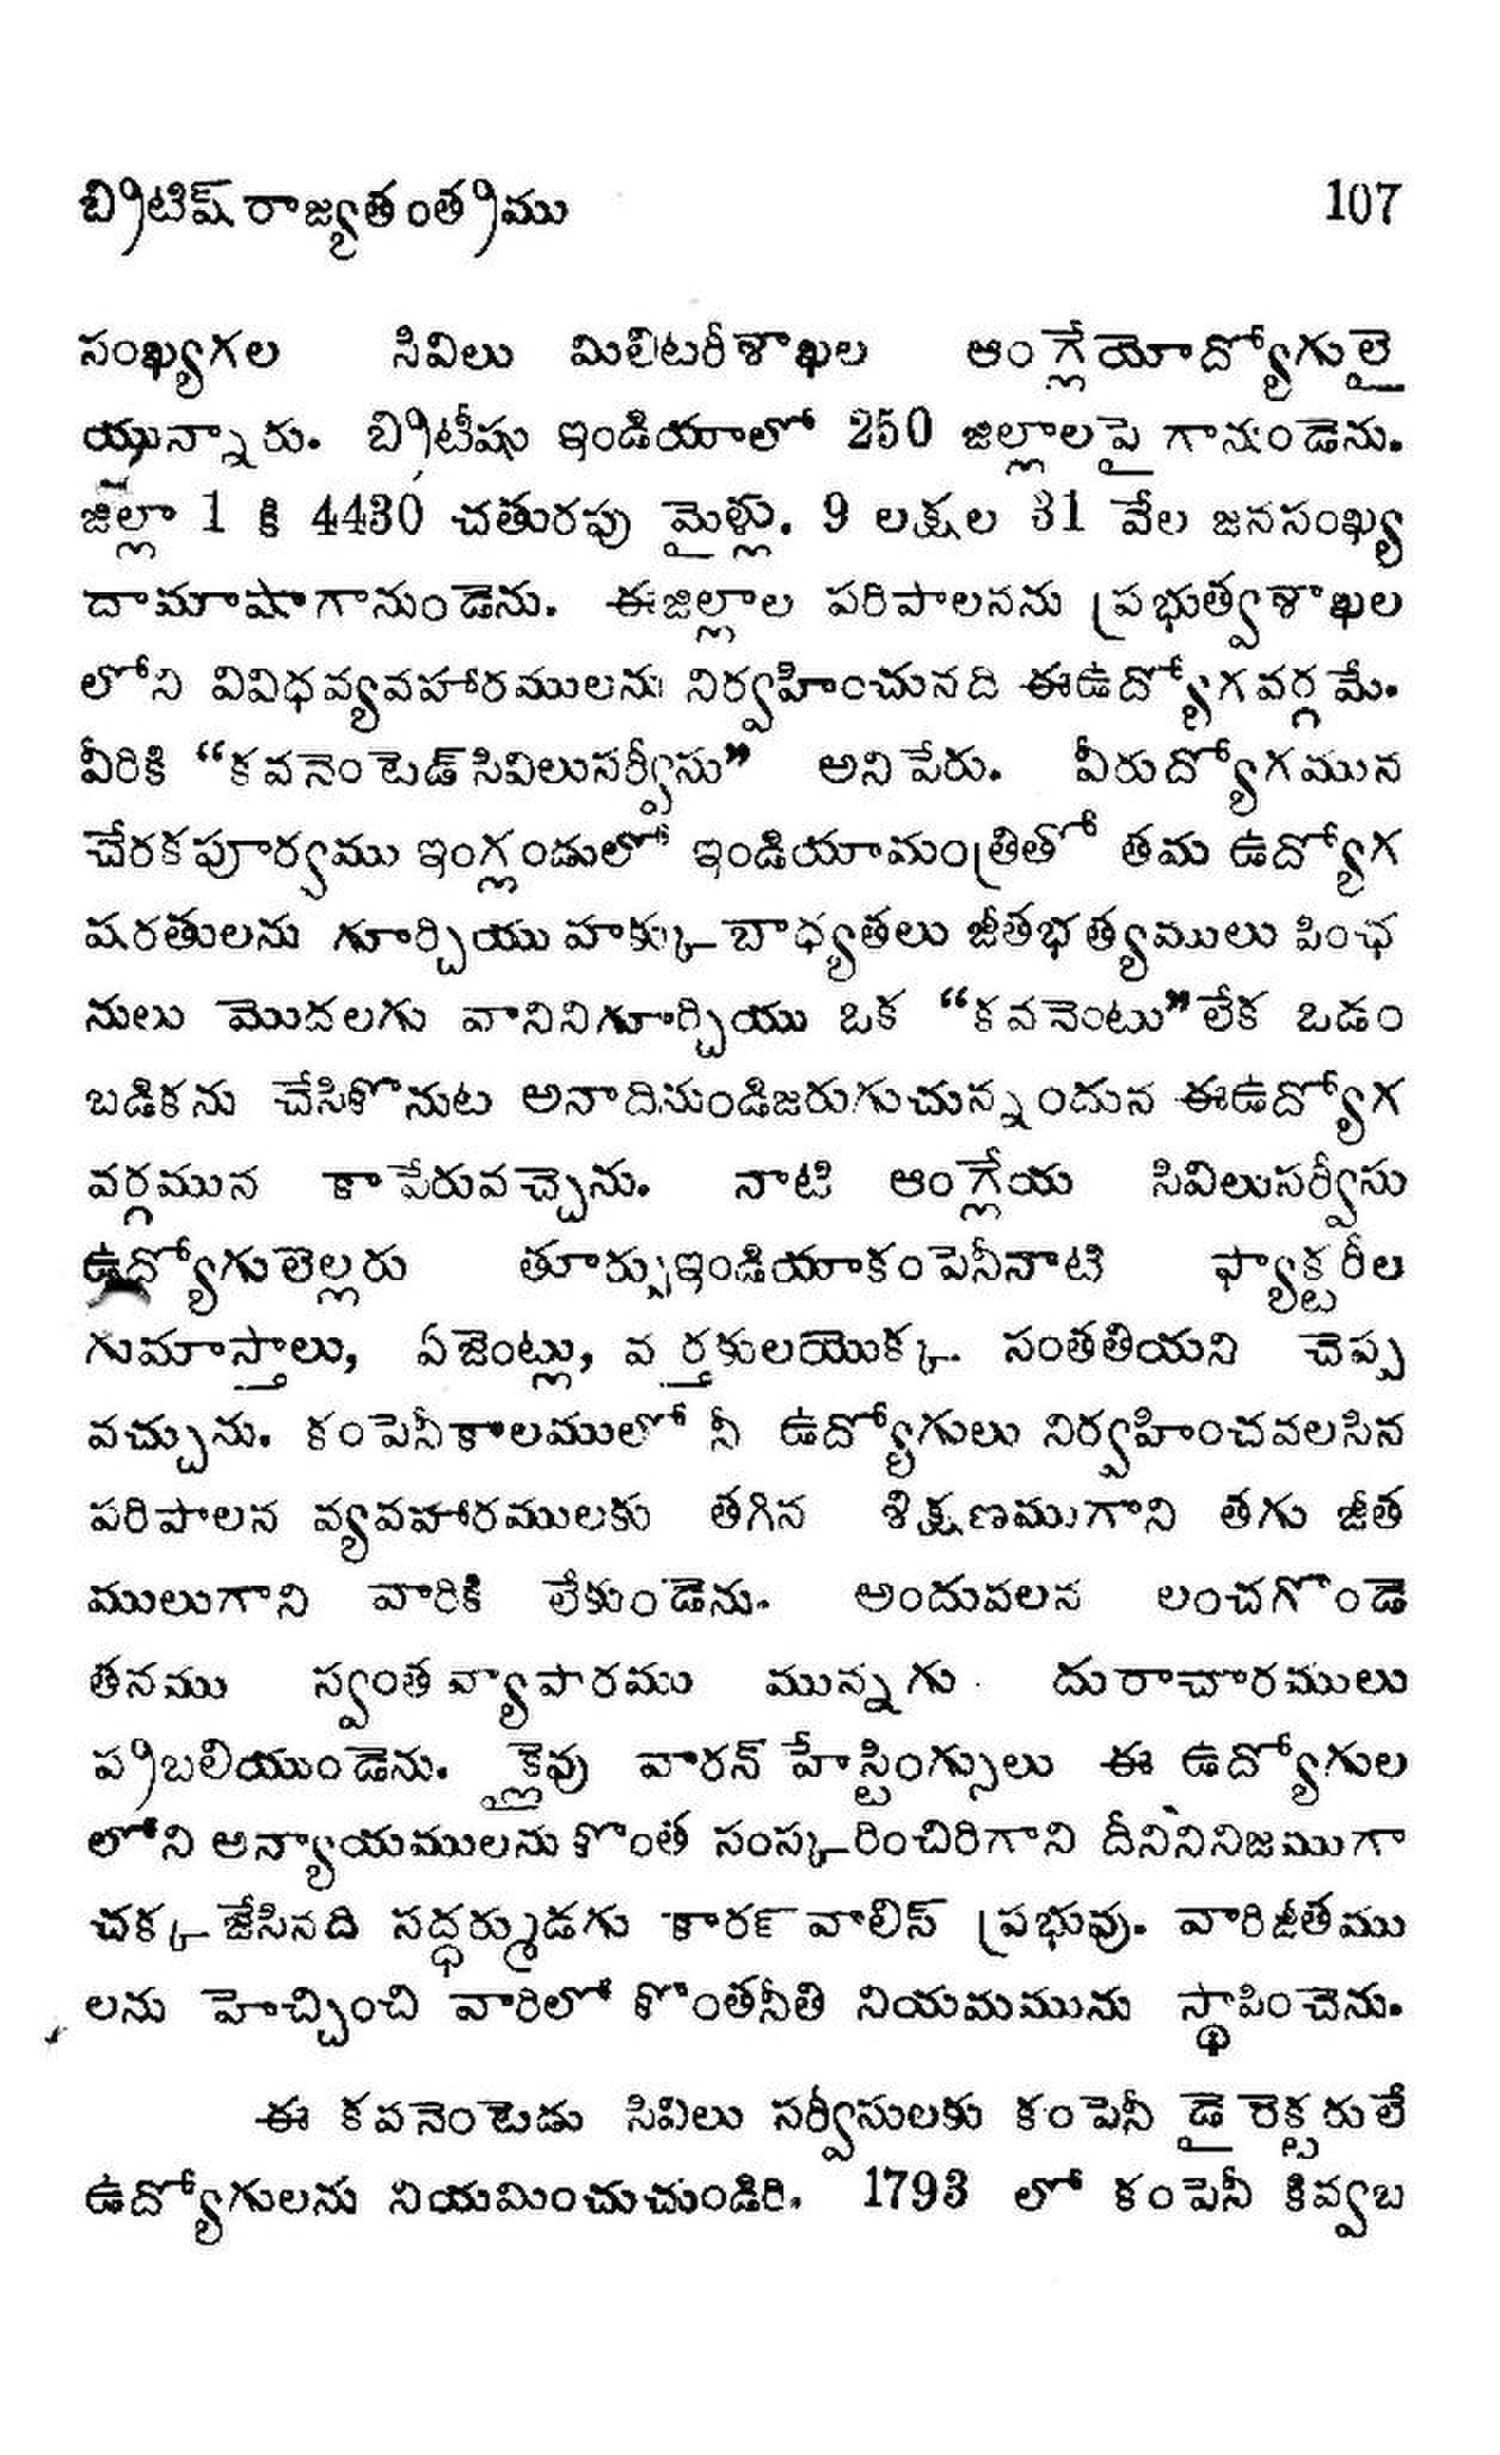సంఖ్యగల సివిలు మిలిటరీశాఖల ఆంగ్లేయోద్యోగులై యున్నారు. బ్రిటీషు ఇండియాలో 250 జిల్లాల పై గానుండెను. జిల్లా 1 కి 4430 చతురపు మైళ్లు. 9 లక్షల 31 వేల జనసంఖ్య దామాషాగానుండెను. ఈజిల్లాల పరిపాలనను ప్రభుత్వశాఖల లోని వివిధ వ్యవహారములను నిర్వహించునది ఈఉద్యోగవర్గమే. వీరికి "కవనెంటెడ్ సివిలుసర్వీసు" అనిపేరు. వీరుద్యోగమున చేరకపూర్వము ఇంగ్లండులో ఇండియామంత్రితో తమఉద్యోగ షరతులను గూర్చియు హక్కుబాధ్యతలు జీతభత్యములు పింఛనులు మొదలగు వానినిగూర్చియు ఒక “కవనెంటు" లేక ఒడంబడికను చేసికొనుట అనాదినుండి జరుగుచున్నందున ఈ ఉద్యోగ వర్గమున కా పేరువచ్చెను. నాటి ఆంగ్లేయ సివిలుసర్వీసు ఉద్యోగులెల్లరు తూర్పు ఇండియాకంపెనీనాటి ఫ్యాక్టరీల గుమాస్తాలు, ఏజెంట్లు, వర్తకులయొక్క. సంతతియని చెప్పవచ్చును. కంపెనీకాలములో నీ ఉద్యోగులు నిర్వహించవలసిన పరిపాలన వ్యవహారములకు తగిన శిక్షణముగాని తగు జీతములుగాని వారికి లేకుండెను. అందువలన లంచగొండెతనము స్వంతవ్యాపారము మున్నగు . దురాచారములు ప్రబలియుండెను. క్లైవు వారన్ హేస్టింగ్సులు ఈ ఉద్యోగులలోని అన్యాయములను కొంత సంస్కరించిరిగాని దీనిని నిజముగా చక్క జేసినది సద్దర్ముడగు కార౯ వాలిస్ ప్రభువు. వారిజీతములను హెచ్చించి వారిలో కొంతనీతి నియమమును స్థాపించెను.

ఈ కవనెంటెడు సివిలు సర్వీసులకు కంపెనీ డైరెక్టరులే ఉద్యోగులను నియమించుచుండిరి. 1793 లో కంపెనీ కివ్వబ